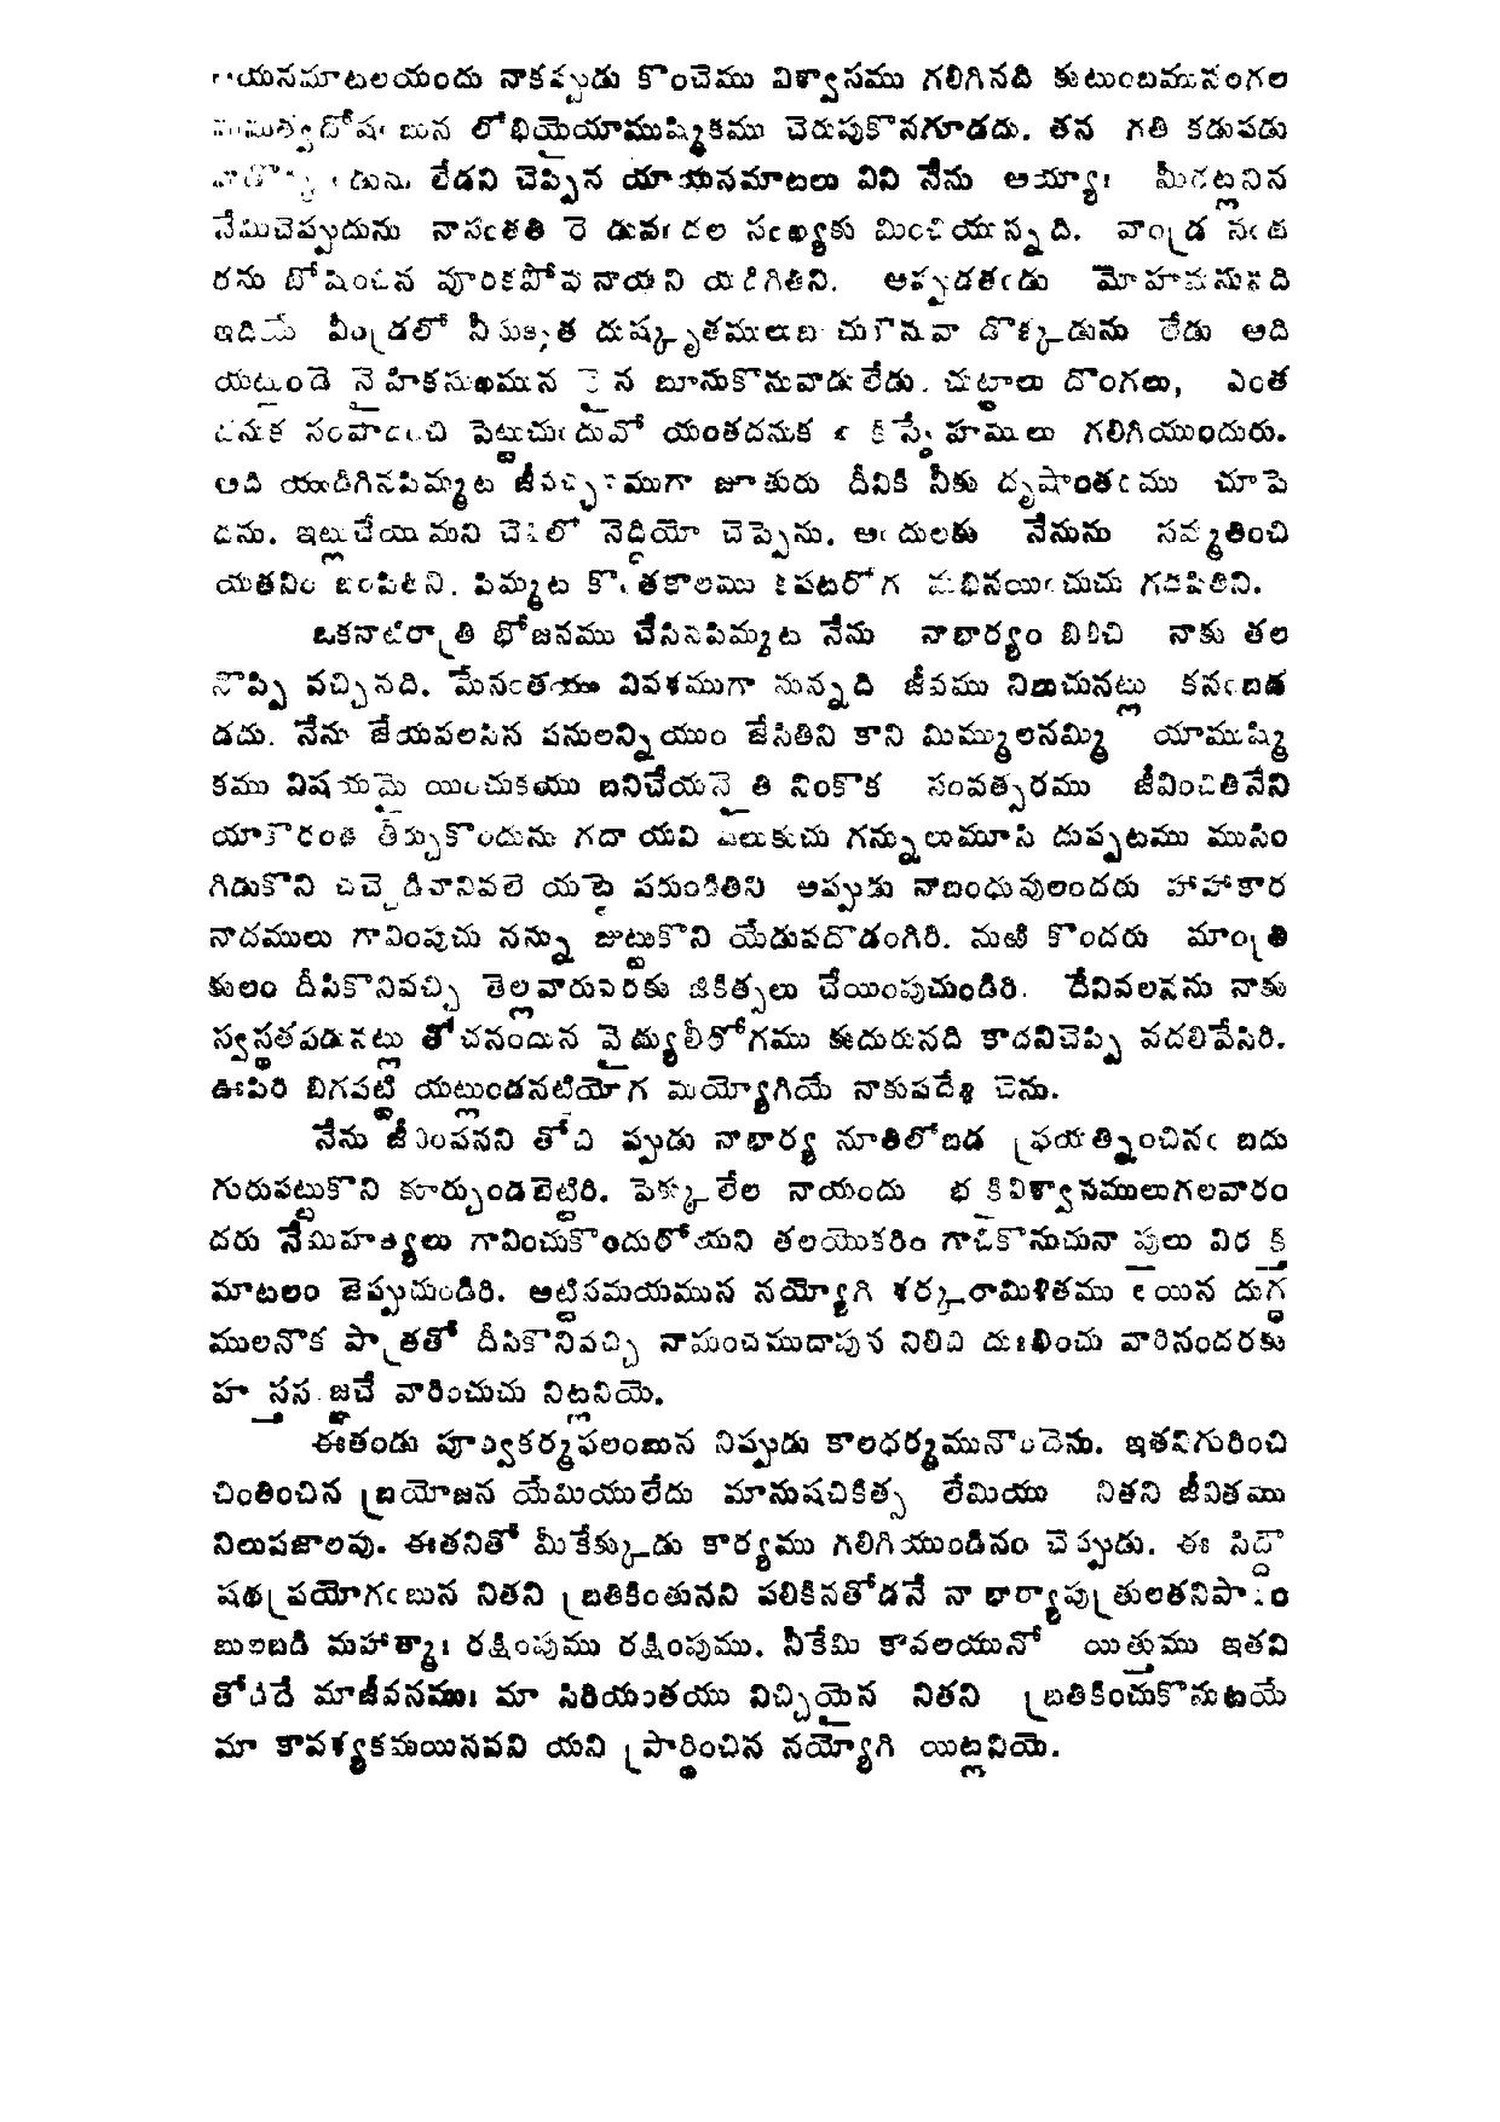ఆయనమాటలయందు నాకప్పుడు కొంచెము విశ్వాసము గలిగినది కుటుంబమునంగల
మమత్వదోషంబున లోభియై యాముష్మికము చెరుపుకొనగూడదు. తన గతి కడుపడువాడొక్కఁడును లేడని చెప్పిన యాయనమాటలు విని నేను అయ్యా! మీరట్లనిన నేమిచెప్పుదును నాసంతతి రెండువందల సంఖ్యకు మించియున్నది. వాండ్ర నందరను బోషించిన వూరకపోవునాయని యడిగితిని. అప్పుడతఁడు మోహమనునది ఇదియే వీండ్రలో నీసుకృత దుష్కృతములు బంచుకొనువా డొక్కడును లేడు అది యట్లుండె నైహికసుఖమున కైన బూనుకొనువాడులేడు. చుట్టాలు దొంగలు, ఎంత దనుక సంపాదించి పెట్టుచుందువో యంతదనుక నీకీస్నేహములు గలిగియుందురు. అది యుడిగినపిమ్మట జీవచ్చవముగా జూతురు దీనికి నీకు దృష్టాంతము చూపెదను. ఇట్లుచేయుమని చెవిలో నెద్దియో చెప్పెను. అందులకు నేనును సమ్మతించి యతనిం బంపితిని. పిమ్మట కొంతకాలము కపటరోగ మభినయించుచు గడపితిని.

ఒకనాటిరాత్రి భోజనము చేసినపిమ్మట నేను నాభార్యం బిలిచి నాకు తలనొప్పి వచ్చినది. మేనంతయు వివశముగా నున్నది. జీవము నిలుచునట్లు కనంబడలేదు. నేను జేయవలసిన పనులన్నియుం జేసితిని కాని మిమ్ముల నమ్మి యాముష్మికము విషయమై యించుకయు బనిచేయనైతి నింకొక సంవత్సరము జీవించితినేని యాకొరంత తీర్చుకొందును గదా యని పలుకుచు గన్నులుమూసి దుప్పటము ముసింగిడుకొని చచ్చెడివానివలె యట్టె పరుండితిని అప్పుడు నాబంధువులందరు హాహాకారనాదములు గావింపుచు నన్ను జుట్టుకొని యేడువదొడంగిరి. మఱి కొందరు మాంత్రికులం దీపికొనివచ్చి తెల్లవారువరకు జికిత్సలు చేయింపుచుండిరి. దేనివలనను నాకు స్వస్థతపడునట్లు తోచనందున వైద్యులీరోగము కుదురునది కాదనిచెప్పి వదలివేసిరి. ఊపిరి బిగపట్టి యట్లుండనట్టియోగ మయ్యోగియే నాకుపదేశించెను.

నేను జీవింపనని తోచి నప్పుడు నాభార్య నూతిలోబడ ప్రయత్నించినఁ బదుగురుపట్టుకొని కూర్చుండబెట్టిరి. పెక్కు లేల నాయందు భక్తివిశ్వాసములుగలవారందరు నేమిహత్యలు గావించుకొందురోయని తలయొకరిం గాచికొనుచునాప్తులు విరక్తి మాటలం జెప్పుచుండిరి. అట్టిసమయమున నయ్యోగి శర్కరామిళితము లయిన దుగ్ధములనొక పాత్రతో దీసికొనివచ్చి నామంచముదాపున నిలిచి దుఃఖించు వారినందరకు హస్తసంజ్ఞచే వారించుచు నిట్లనియె.

ఈతండు పూర్వకర్మఫలంబున నిప్పుడు కాలధర్మమునొందెను. ఇతనిగురించి చింతించిన బ్రయోజన యేమియులేదు మానుషచికిత్స లేమియు నితని జీవితము నిలుపజాలవు. ఈతనితో మీకెక్కుడు కార్యము గలిగియుండినం చెప్పుడు. ఈ సిద్దౌషధప్రయోగంబున నితని బ్రతికింతునని పలికినతోడనే నా భార్యాపుత్రు లతనిపాదంబులబడి మహాత్మా! రక్షింపుము రక్షింపుము. నీకేమి కావలయునో యిత్తుము ఇతనితోడిదే మాజీవనము! మా సిరియంతయు నిచ్చియైన నితని బ్రతికించుకొనుటయే మా కావశ్యకమయినపని యని ప్రార్థించిన నయ్యోగి యిట్లనియె.